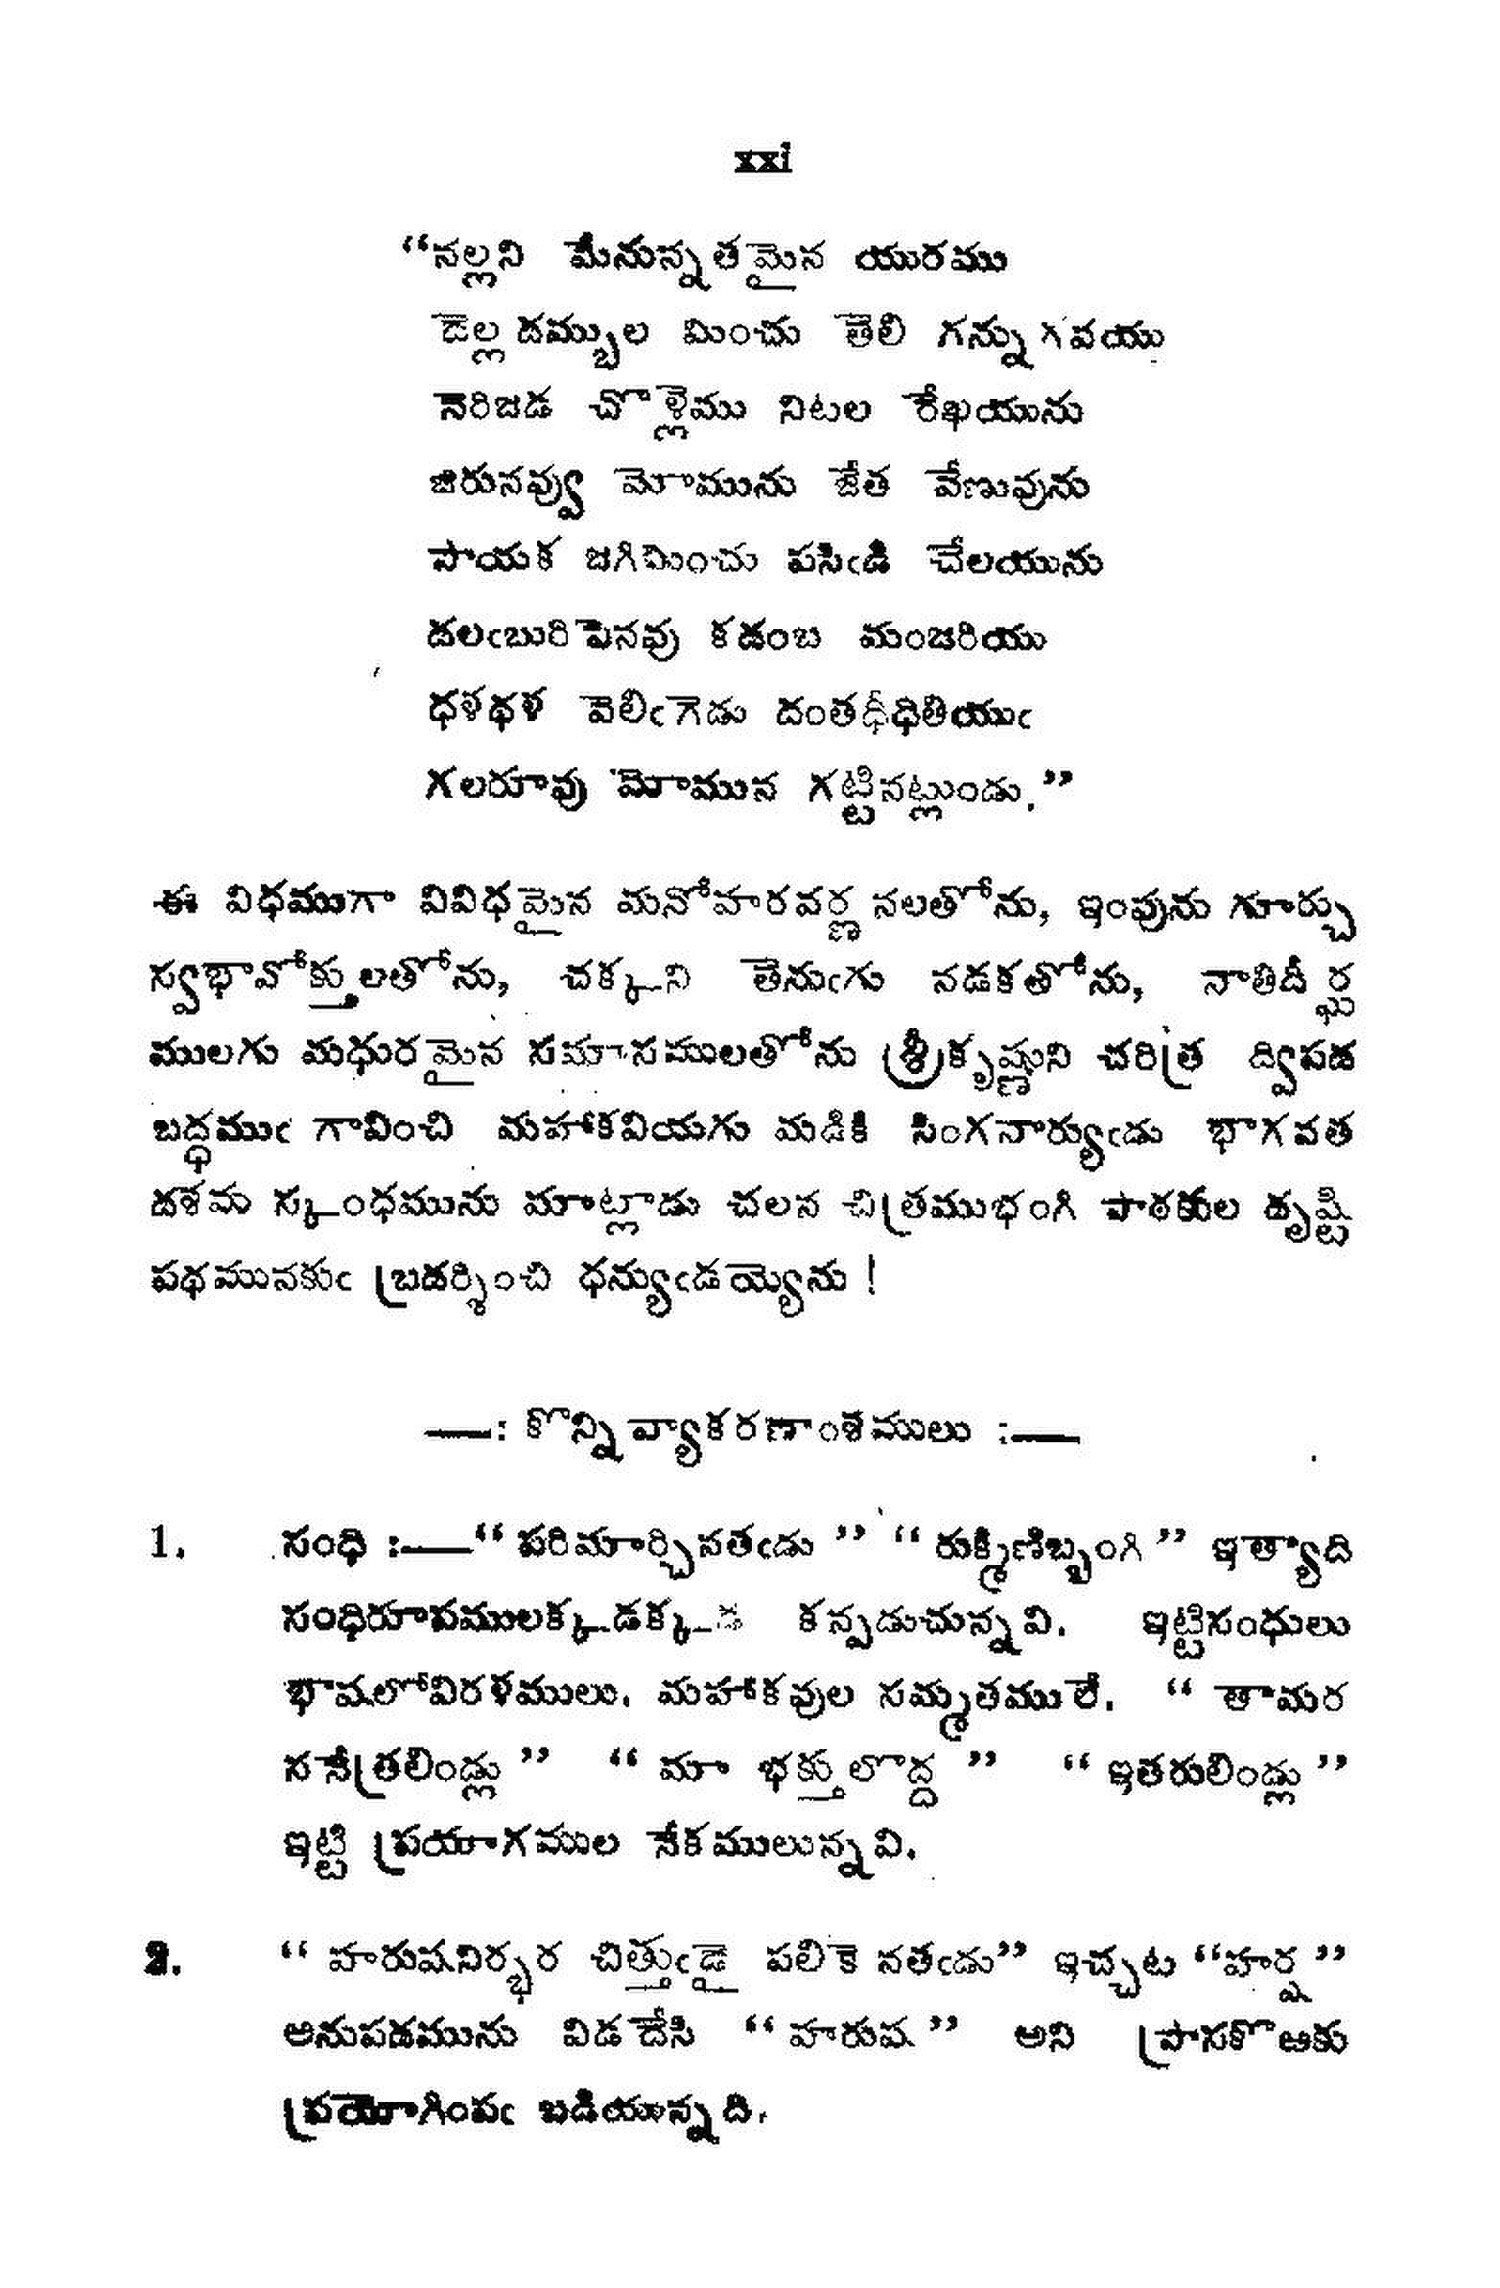ఈ విధముగా వివిధమైన మనోహరవర్ణనలతోను, ఇంపును గూర్చు స్వభావోక్తులతోను, చక్కని తెనుఁగు నడకతోను, నాతి దీర్ఘములగు మధురమైన సమాసములతోను శ్రీకృష్ణుని చరిత్ర ద్విపదబద్ధముఁ గావించి మహాకవియగు మడికి సింగనార్యుఁడు భాగవత దశమస్కంధమును మాట్లాడు చలన చిత్రముభంగి పాఠకుల దృష్టిపథమునకుఁ బ్రదర్శించి ధన్యుఁడయ్యెను! కొన్ని వ్యాకరణాంశములు
సంధి:— “పరిమార్చినతఁడు” “రుక్మిణిబ్బంగి” ఇత్యాది సంధిరూపములక్కడక్కడ కన్పడుచున్నవి. ఇట్టిసంధులు భాషలో విరణములు. మహాకవుల సమ్మతములే. “తామరసనేత్రలిండ్లు” “మా భక్తులొద్ద” “ఇతరులిండ్లు” ఇట్టి ప్రయోగము లనేకములున్నవి.
“హరుషనిర్భర చిత్తుఁడై పలికె నతఁడు” ఇచ్చట “హర్ష” అను పదమును విడదీసి “హరుష” అని ప్రాసకొఱకు ప్రయోగింపఁ బడియున్నది.